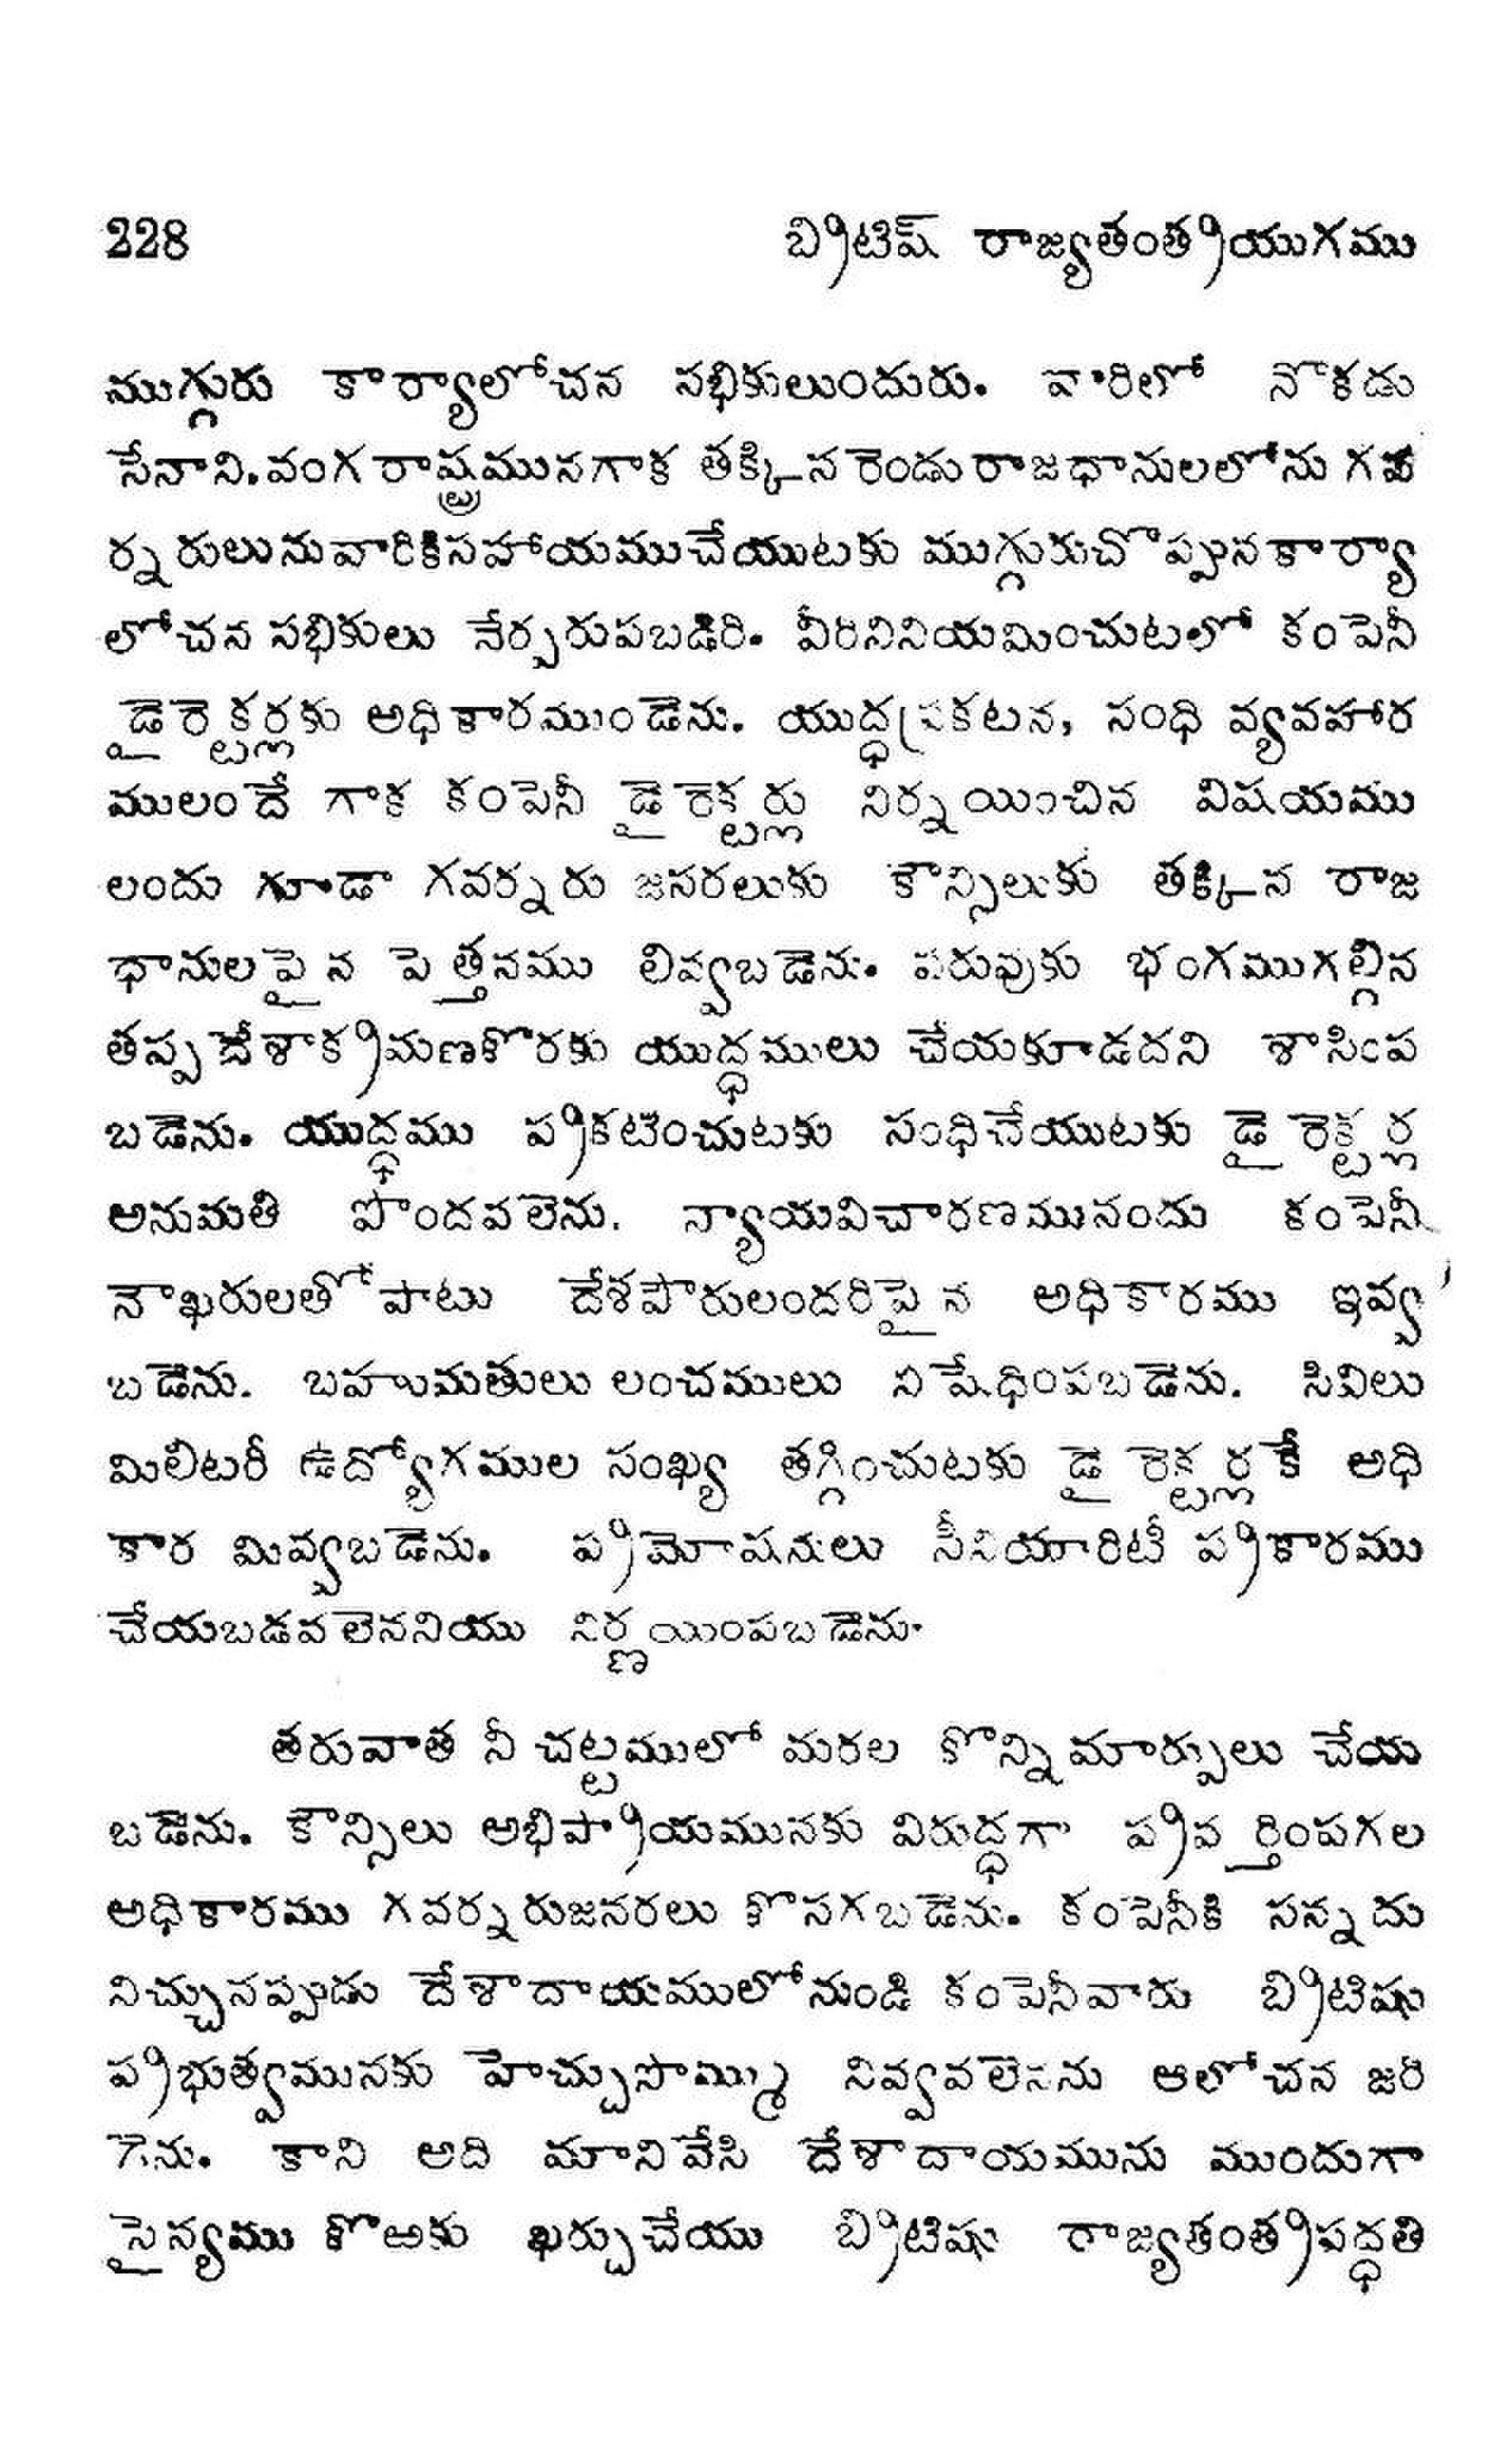ముగ్గురు కార్యాలోచన సభికులుందురు. వారిలో నొకడు సేనాని. వంగరాష్ట్రమునగాక తక్కినరెండు రాజధానులలోను గవర్నరులును వారికి సహాయముచేయుటకు ముగ్గురుచొప్పున కార్యాలోచనసభికులు నేర్పరుపబడిరి. వీరిని నియమించుటలో కంపెనీ డైరెక్టర్లకు అధికారముండెను. యుద్ధప్రకటన, సంధి వ్యవహారములందే గాక కంపెనీ డైరెక్టర్లు నిర్నయించిన విషయములందు గూడా గవర్నరు జనరలుకు కౌన్సిలుకు తక్కిన రాజుధానులపైన పెత్తనము లివ్వబడెను. పరువుకు భంగముగల్గిన తప్పదేశాక్రమణకొరకు యుద్ధములు చేయకూడదని శాసింపబడెను. యుద్ధము ప్రకటించుటకు సంధిచేయుటకు డైరెక్టర్ల అనుమతి పొందవలెను. న్యాయవిచారణమునందు కంపెనీ నౌఖరులతో పాటు దేశపౌరులందరిపైన అధికారము ఇవ్వబడెను. బహుమతులు లంచములు నిషేధింపబడెను. సివిలు మిలిటరీ ఉద్యోగముల సంఖ్య తగ్గించుటకు డైరెక్టర్లకే అధికార మివ్వబడెను. ప్రమోషనులు సీనియారిటీ ప్రకారము చేయబడవలెననియు నిర్ణయింపబడెను.

తరువాత నీ చట్టములో మరల కొన్నిమార్పులు చేయబడెను. కౌన్సిలు అభిప్రాయమునకు విరుద్దగా ప్రవర్తింపగల అధికారము గవర్నరుజనరలు కొసగబడెను. కంపెనీకి సన్నదు నిచ్చునప్పుడు దేశాదాయములోనుండి కంపెనీవారు బ్రిటిషు ప్రభుత్వమునకు హెచ్చుసొమ్ము నివ్వవలెనను ఆలోచన జరిగెను. కాని అది మానివేసి దేశాదాయమును ముందుగా సైన్యము కొఱకు ఖర్చుచేయు బ్రిటిషు రాజ్యతంత్రపద్ధతి